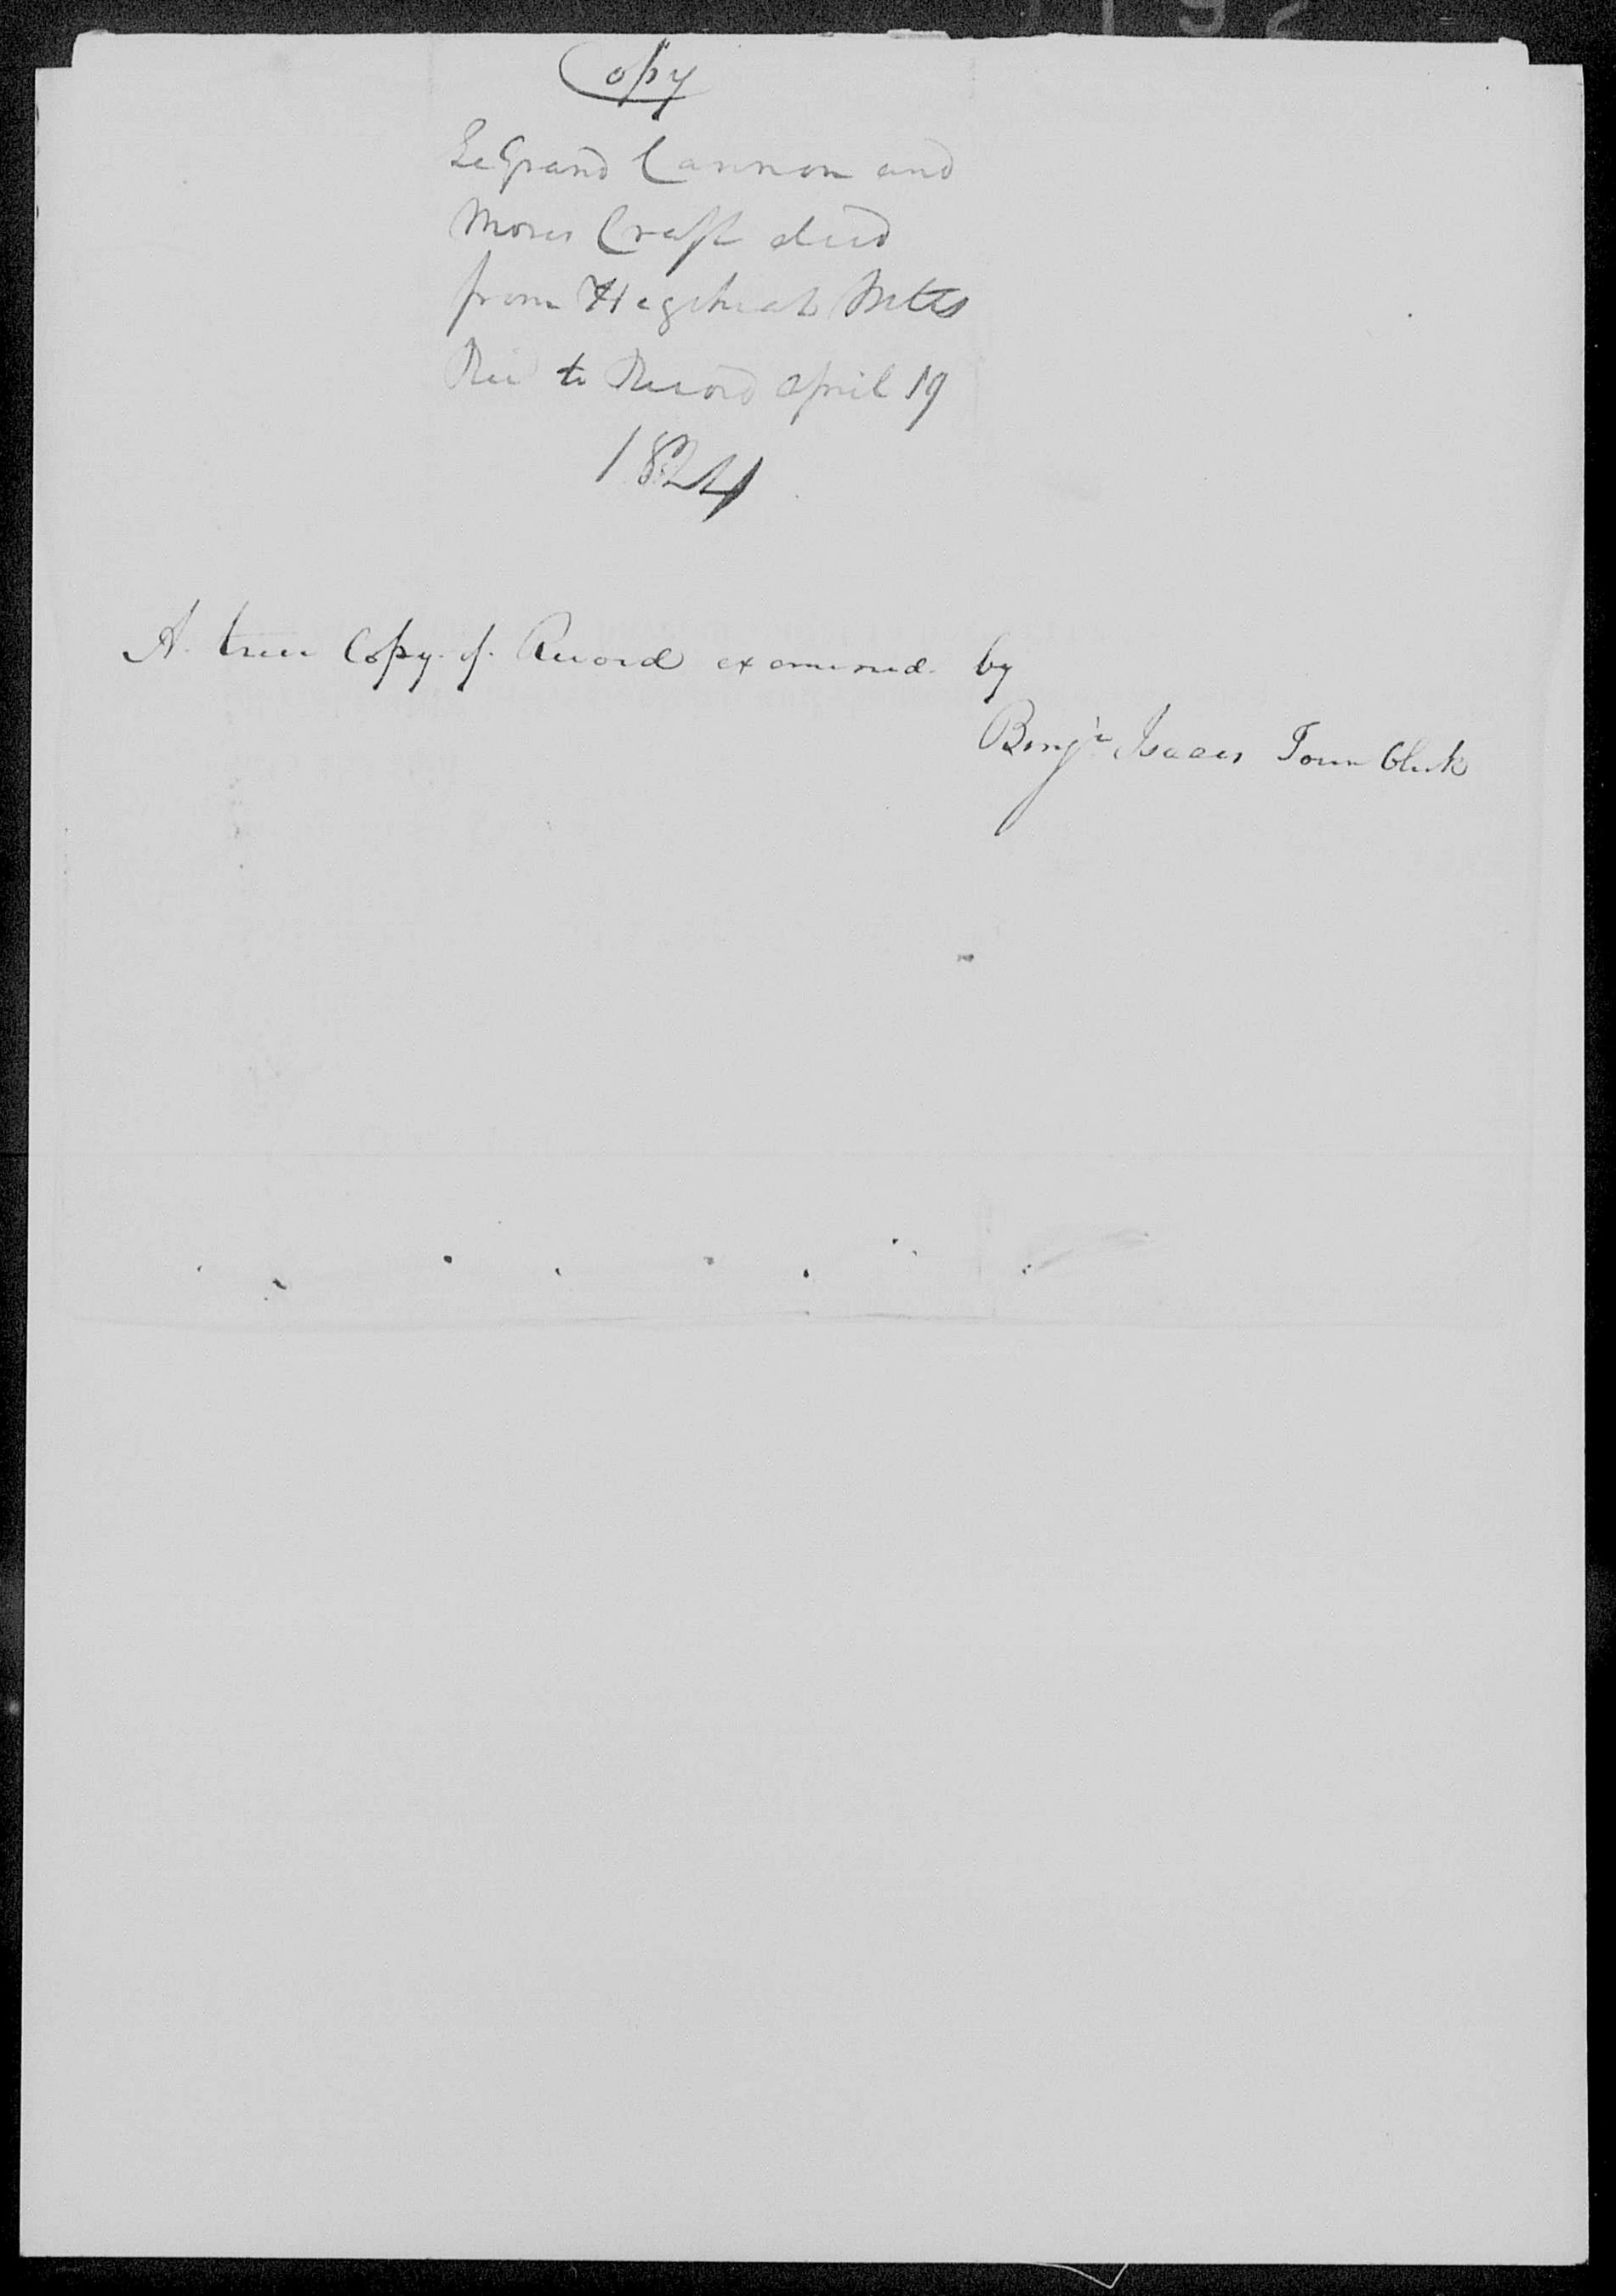Copy
LeGrand Cannon and
Moses Craft decd
from Highbrook Mts
Recd to Record April 19 1824

A true copy of Record examined by
Benj Isaacs, Town Clark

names: Benje Isaacs, Hezekiah Betts, Le Grand Cannon, Moses Craft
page: 40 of 61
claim: widow's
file: W. 29,929, Hezekiah Betts, Conn.